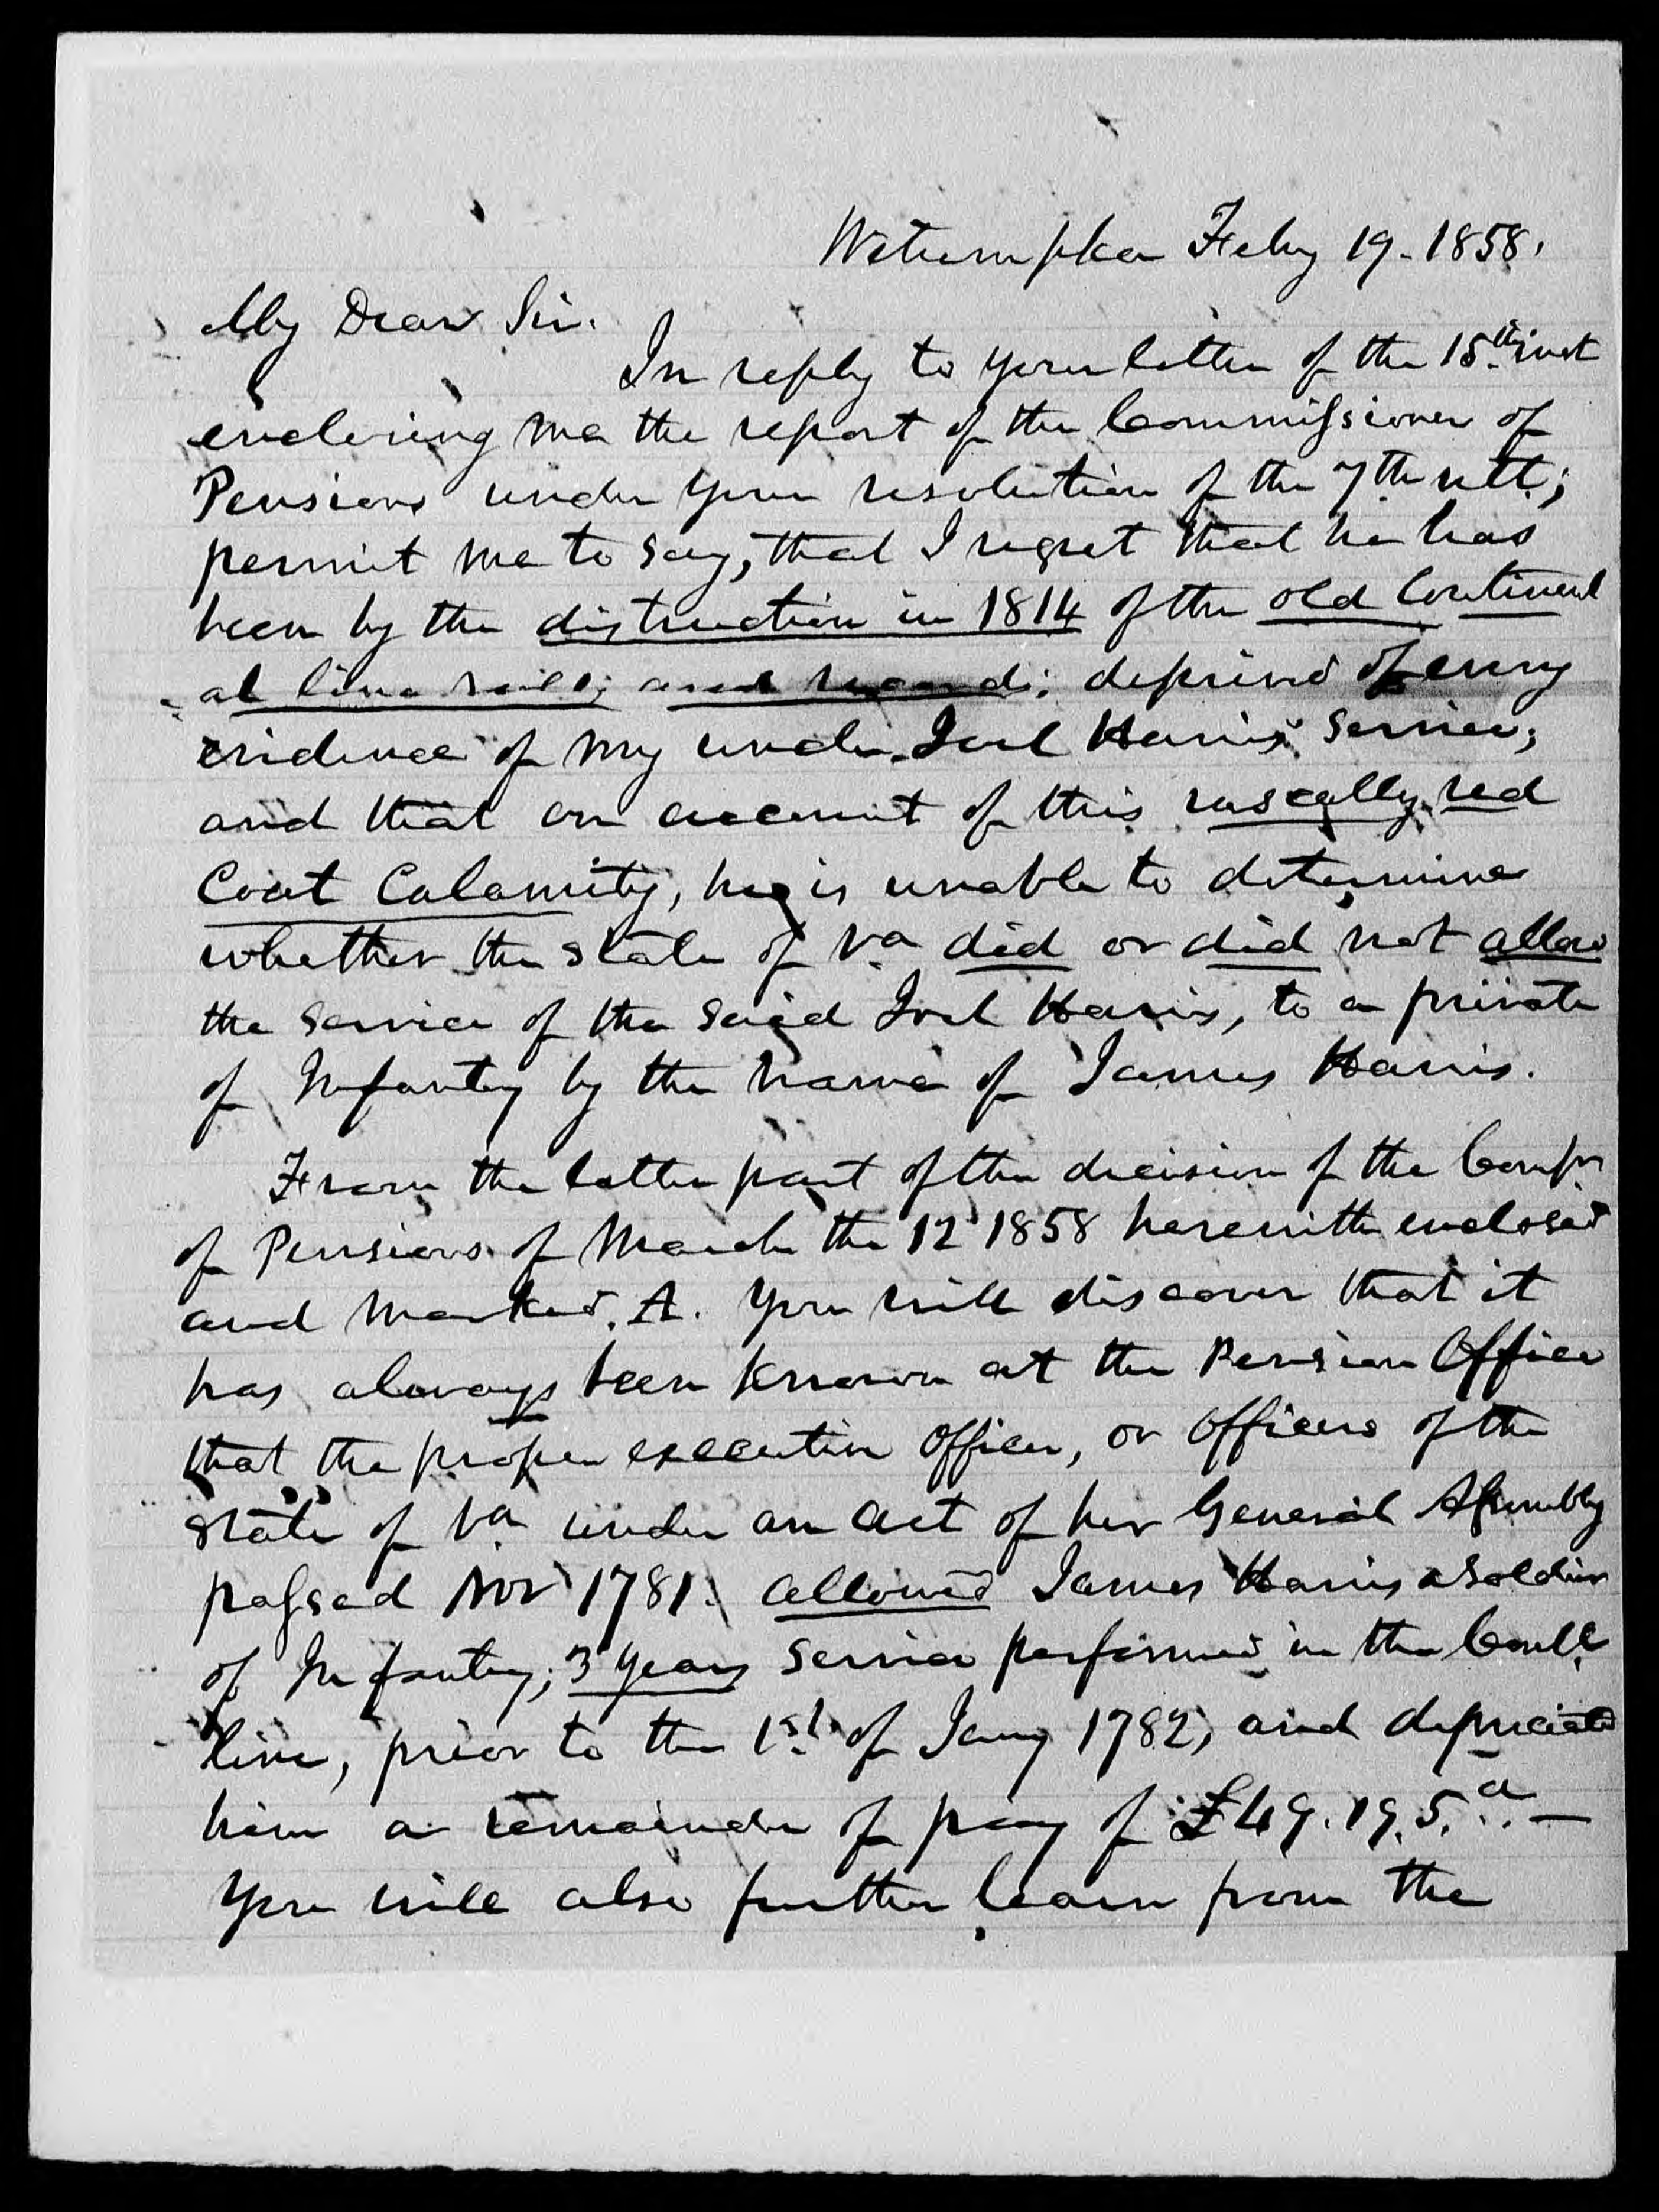Wetumpka Feby 19. 1858
My Dear Sir,
   In reply to your letter of the 18th inst enclosing me the report of the Commissioner of Pensions under your resolution of the 7th ult; permit me to say, that I regret that he has been, by the destruction in 1814 of the old Continental line roll and record, deprived of any evidence of my uncle Joel Harris' service, and that on account of this rascally red coat calamity, he is unable to determine whether the state of Va did or did not allow the service of the said Joel Harris, to a private of Infantry by the name of James Harris.
   From the latter part of the decision of the Comsn of Pensions of March the 12t 1858 herewith enclosed and marked A.  You will discover that it has always been known at the Pension Office that the proper execution officer, or officers of the state of Va under an Act of her General Assembly passed Mr'1781 allowed James Harris a soldier of Infantry, 3 years service performed in the Contl line, prior to the 1st of Jany 1782, and depreciated him a remainder of pay of [pound sterling]49.19.5d. You will also further learn from the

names: Joel Harris, Joel Harris, James Harris, James Harris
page: 28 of 160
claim: rejected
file: R. 4666, James Harris, Va.